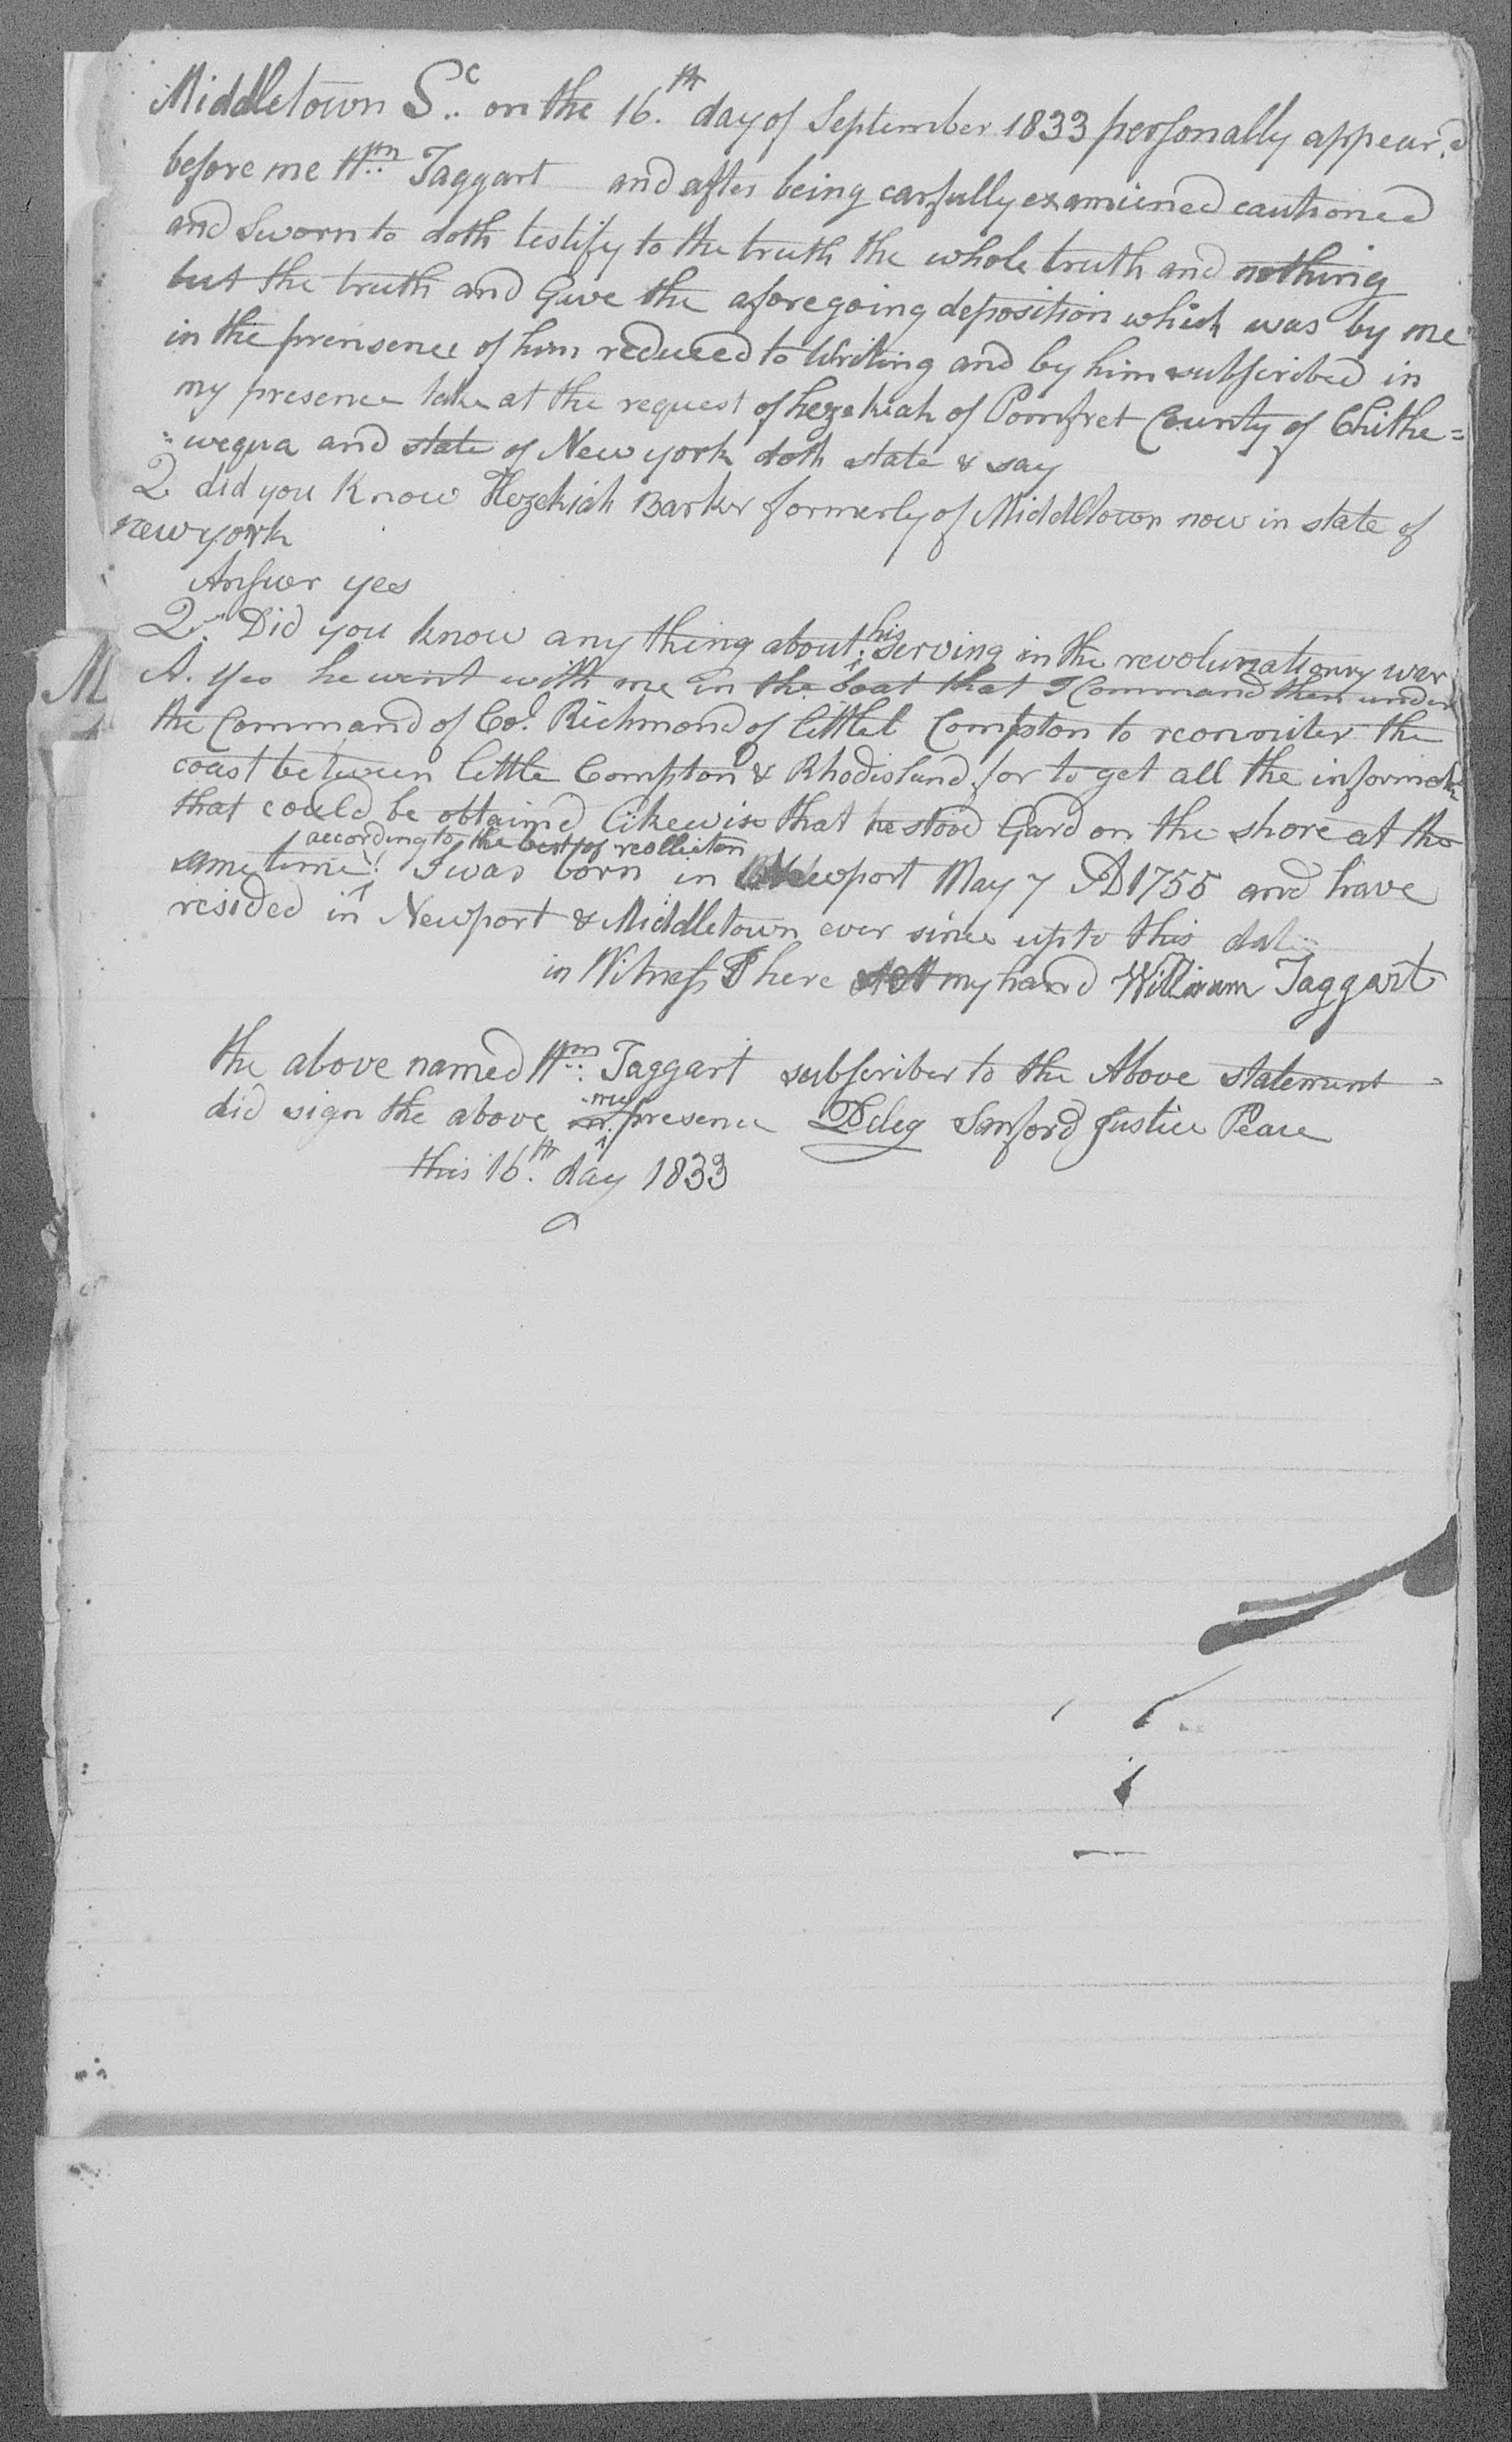Middletown Sc on the 16th day of September 1833 personally appeared
before me Wm Taggart and after being carefully examined  cautiioned
and sworn to doth testify to the truth the whole truth and nothing
but the truth and give the aforegoing deposition which was by me
[in] my presence of him reduced to writing and by him subscribed in
my presence that at the request of Hezekiah of Pomfret County of Chithe-
-wequa [Chautauqua] and state of New Yoirk doth state & say
Q. did you know Hezekiah Barker formely of Middletown now in state of
New York
Answer yes
Q. Did you know anything about his serving in the revolutionary war
A. Yes he went with me in the boat that I commanded under
the command of Col. Richmond of Little Compton to reconnoiter the
coast between Little Compton & Rhode Island for to get all the information that could be obtained likewise that he stood gard on the shore at that same time according to the best of recollection.  I was born in Newport May 7 AD 1755 and have
resided in Newport & Middleotwn ever since up to this day.
In witness I here set my hand  William Taggar

The above named Wm Taggart subscribed to the above statement &
did sign the above in my presdence.  Peleg Sanford Justice Peace
this 16th day 1833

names: Wm Taggart, William Taggart, Richmond, Peleg Sanford, Wm Taggart, Hezekiah Barker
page: 31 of 52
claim: widow's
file: W. 18,565, Hezekiah Barker, Continental R.I.